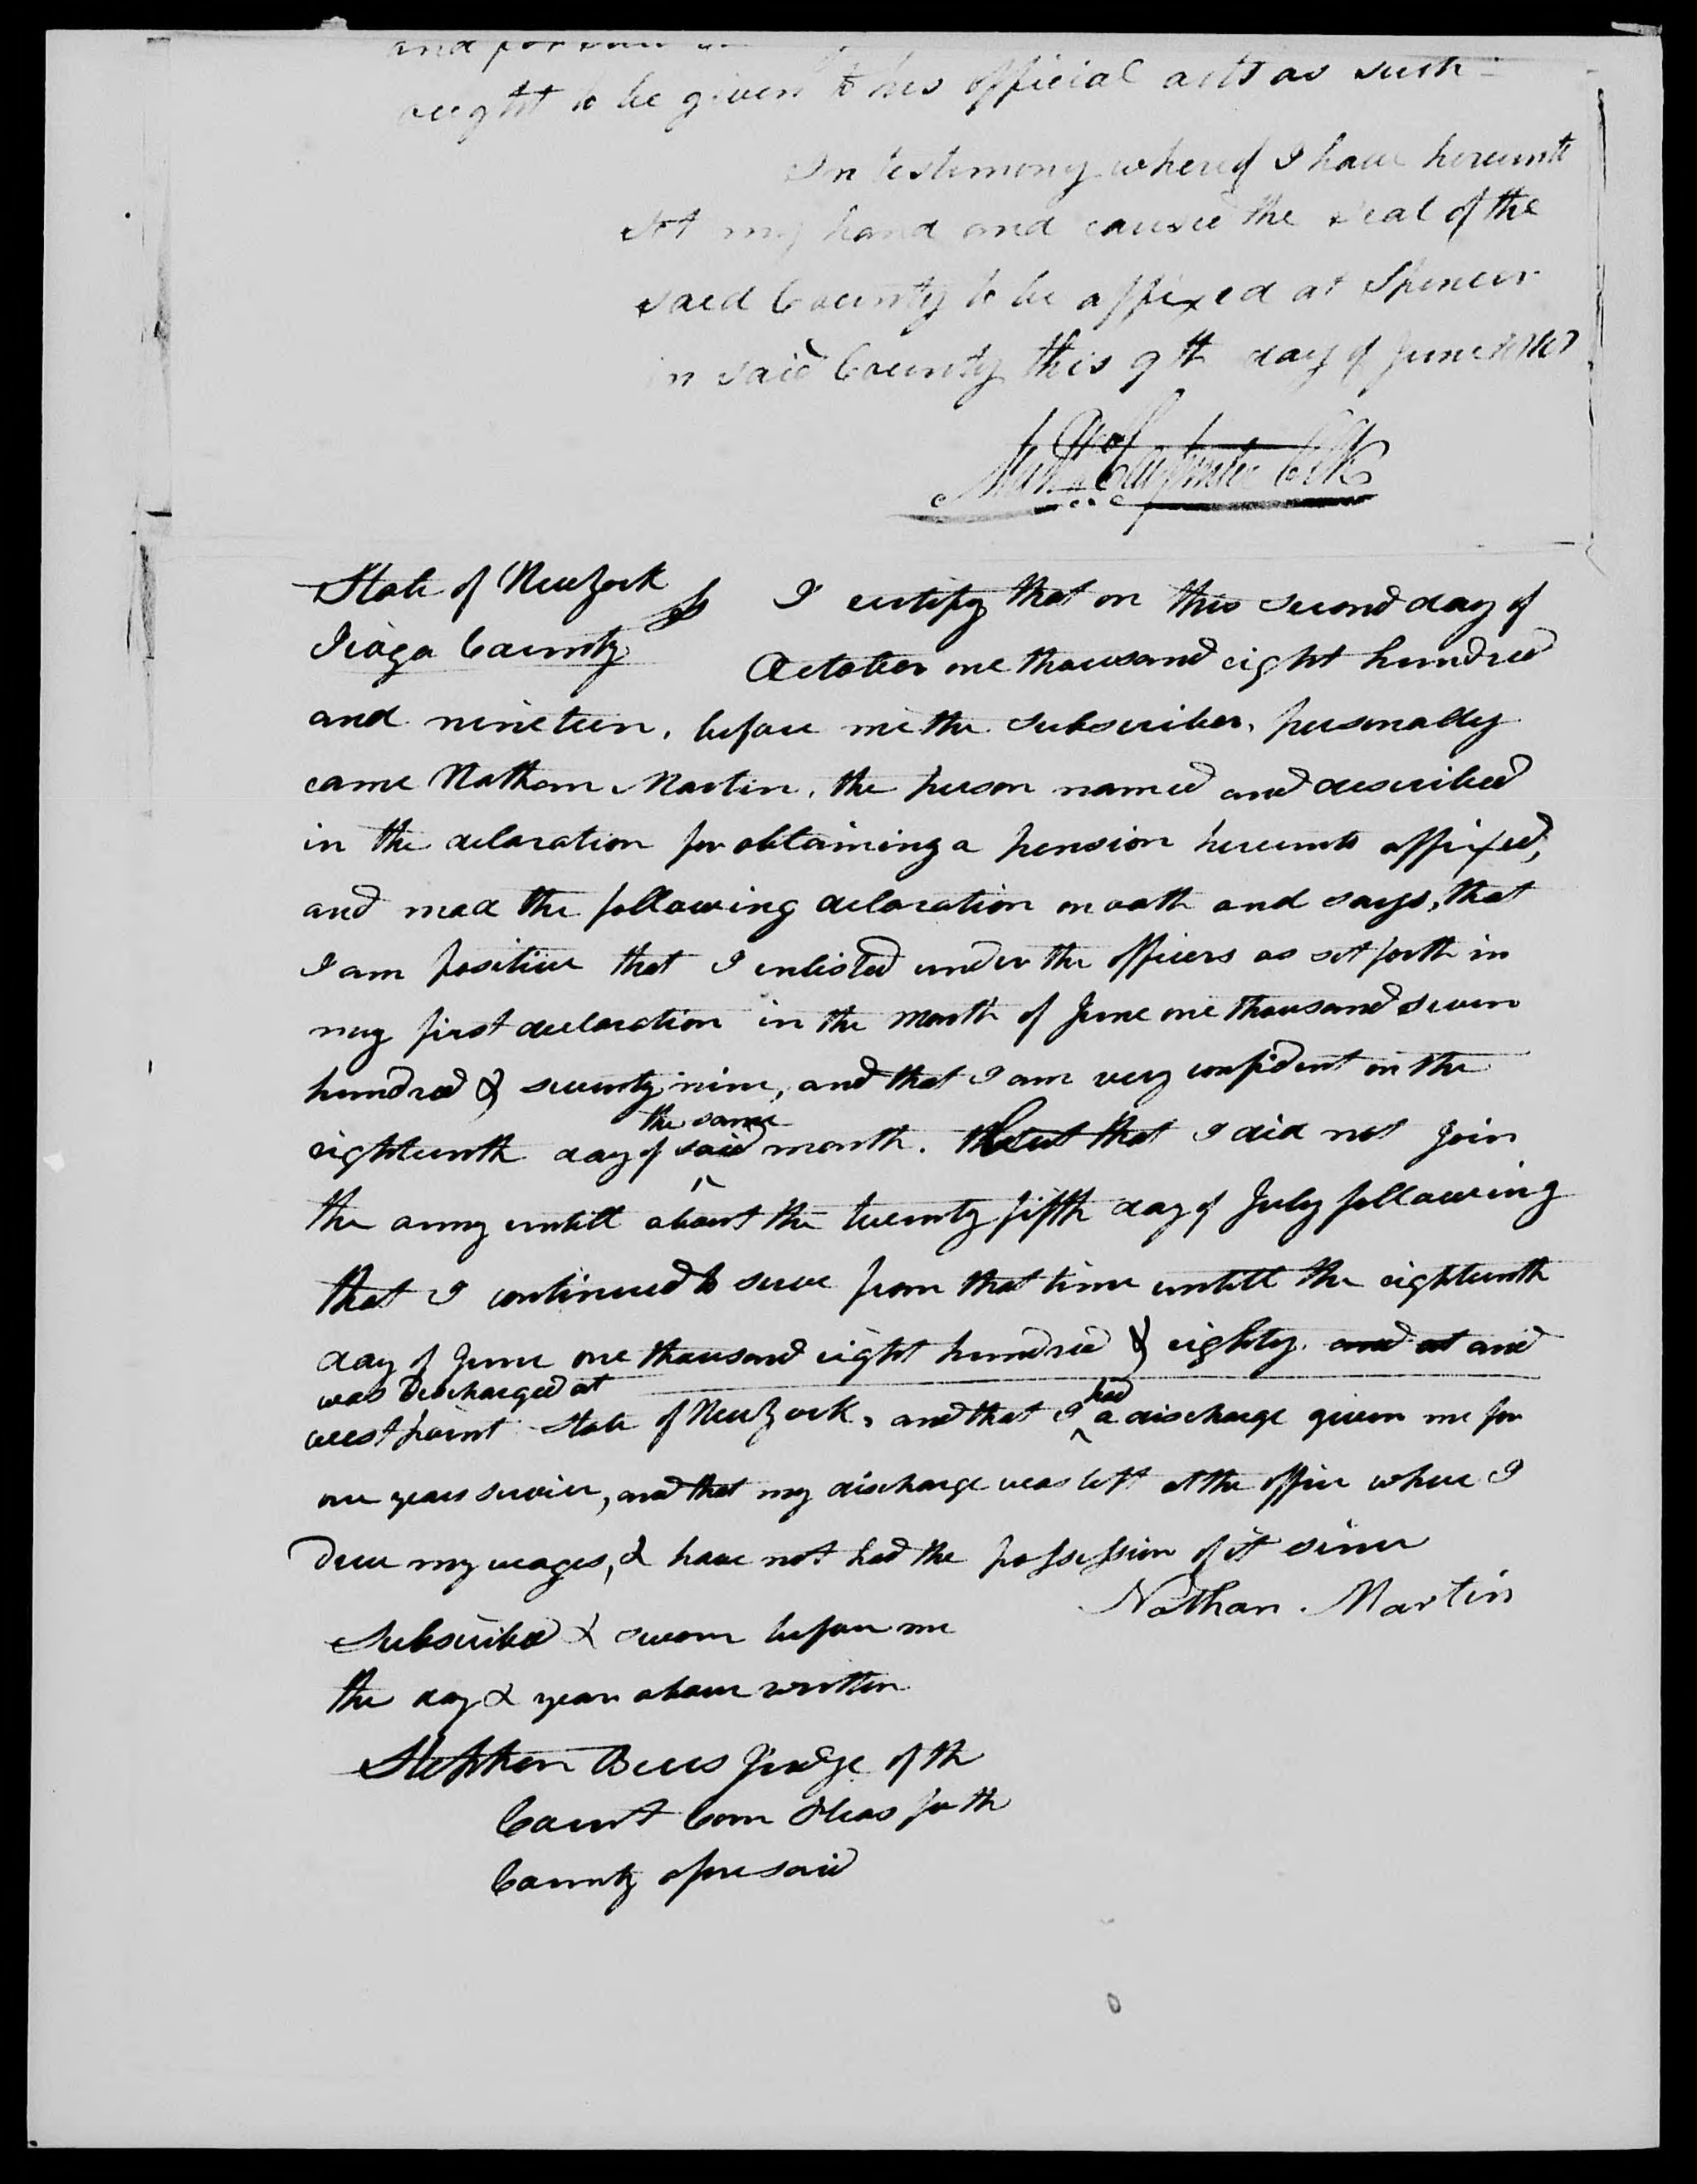State of New York
Tioga County ss
I certify that on this second day of
October one thousand eight hundred
and nineteen, before me the subscriber, personally
came Nathan Martin, the person named and described
in the declaration for obtaining a pension hereunto affixed,
and made the following declaration on oath and says, that
I am positive that I enlisted under the officers as set forth in
my first declaration in the month of June one thousand seven
hundred & seventy nine, and that I am very confident in the
eighteenth day of the same said month that that I did not join the army untill about the twenty fifth day of July following
that is continued to serve from that time untill the eighteenth
day of June one thousand eight hundred & eighty and 
was Discharged at West Point State of New York, and that i had a discharge given me for
one years service, and that my discharge was left at the office where I
drew my wages, I have not had the possession of it since
Nathan Martin
Subscribed & sworn before me
the day & year above written
Stephen Beers Judge of the
Court Com Pleas forth
County aforesaid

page: 5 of 30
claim: widow's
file: W. 23,904, for Nathan Martin, New Hampshire